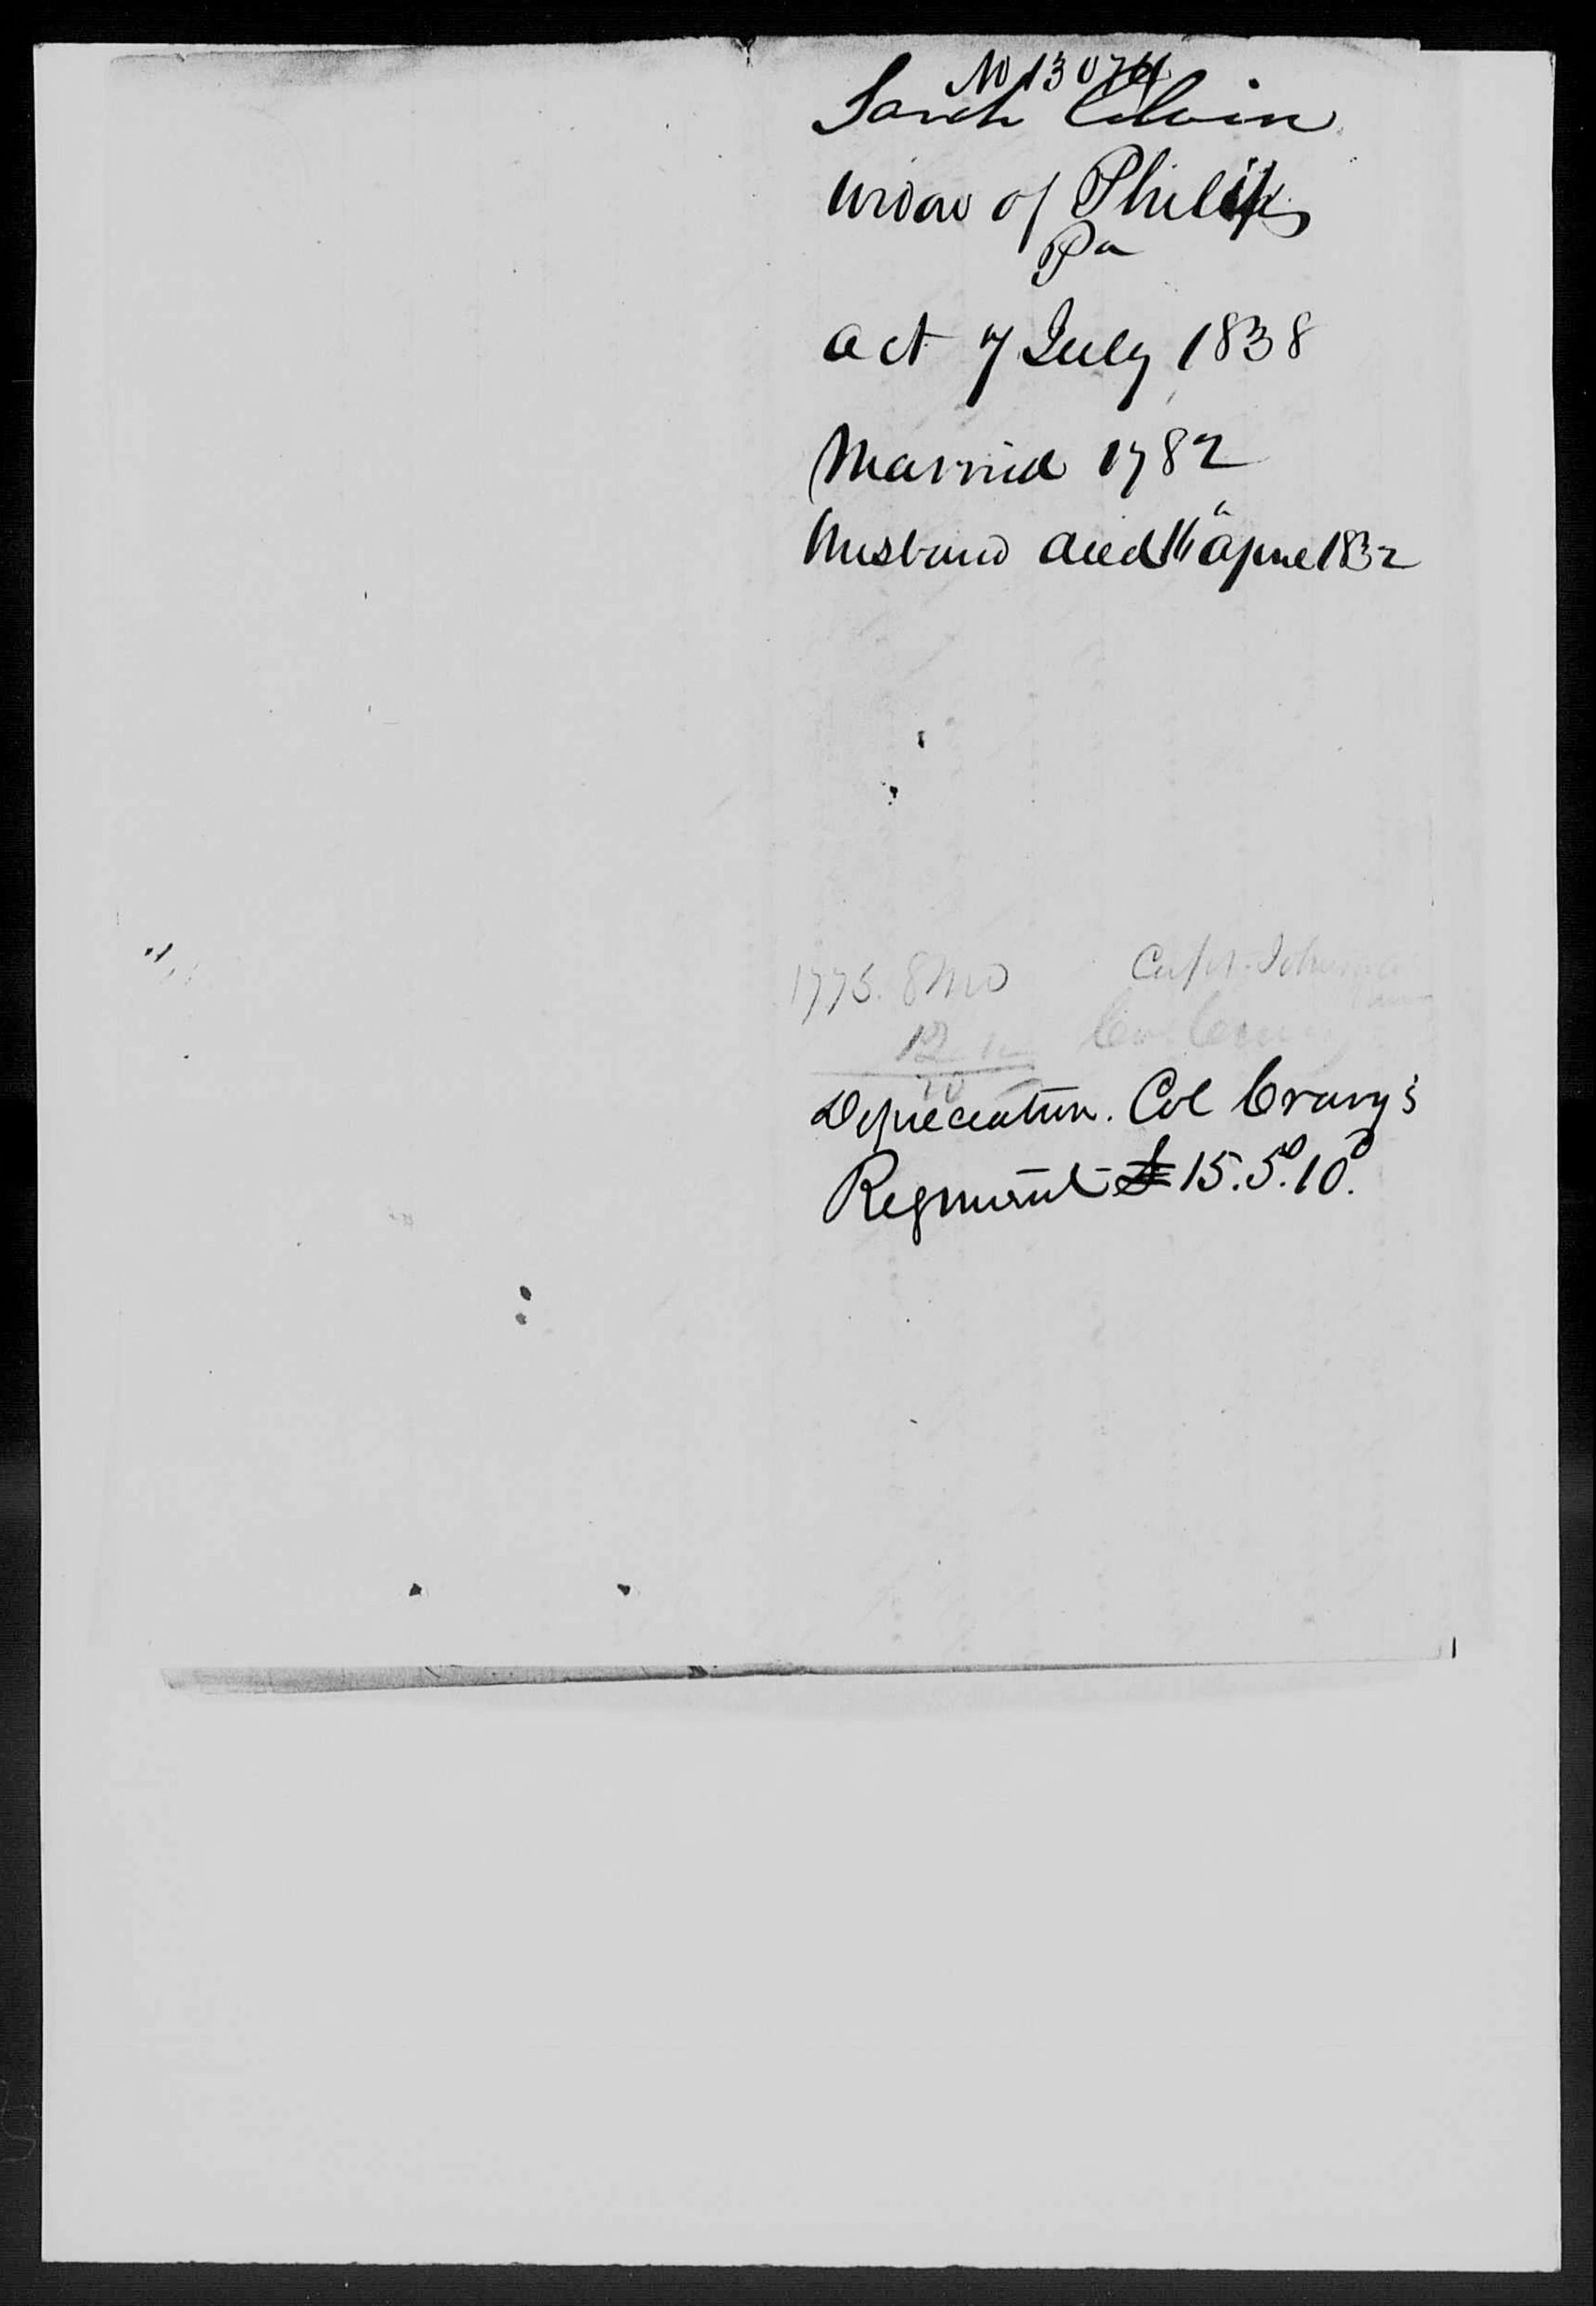No 13076
Sarah Colvin widow of Philip 
Pa
Act 7 July 1838
Married 1782
Husband died 16 April 1832

Depreciation Col Crary's Regiment $15.5.10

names: Sarah Colvin, Philip Colvin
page: 33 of 41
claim: widow's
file: W. 3513, Philip Colvin, R.I.